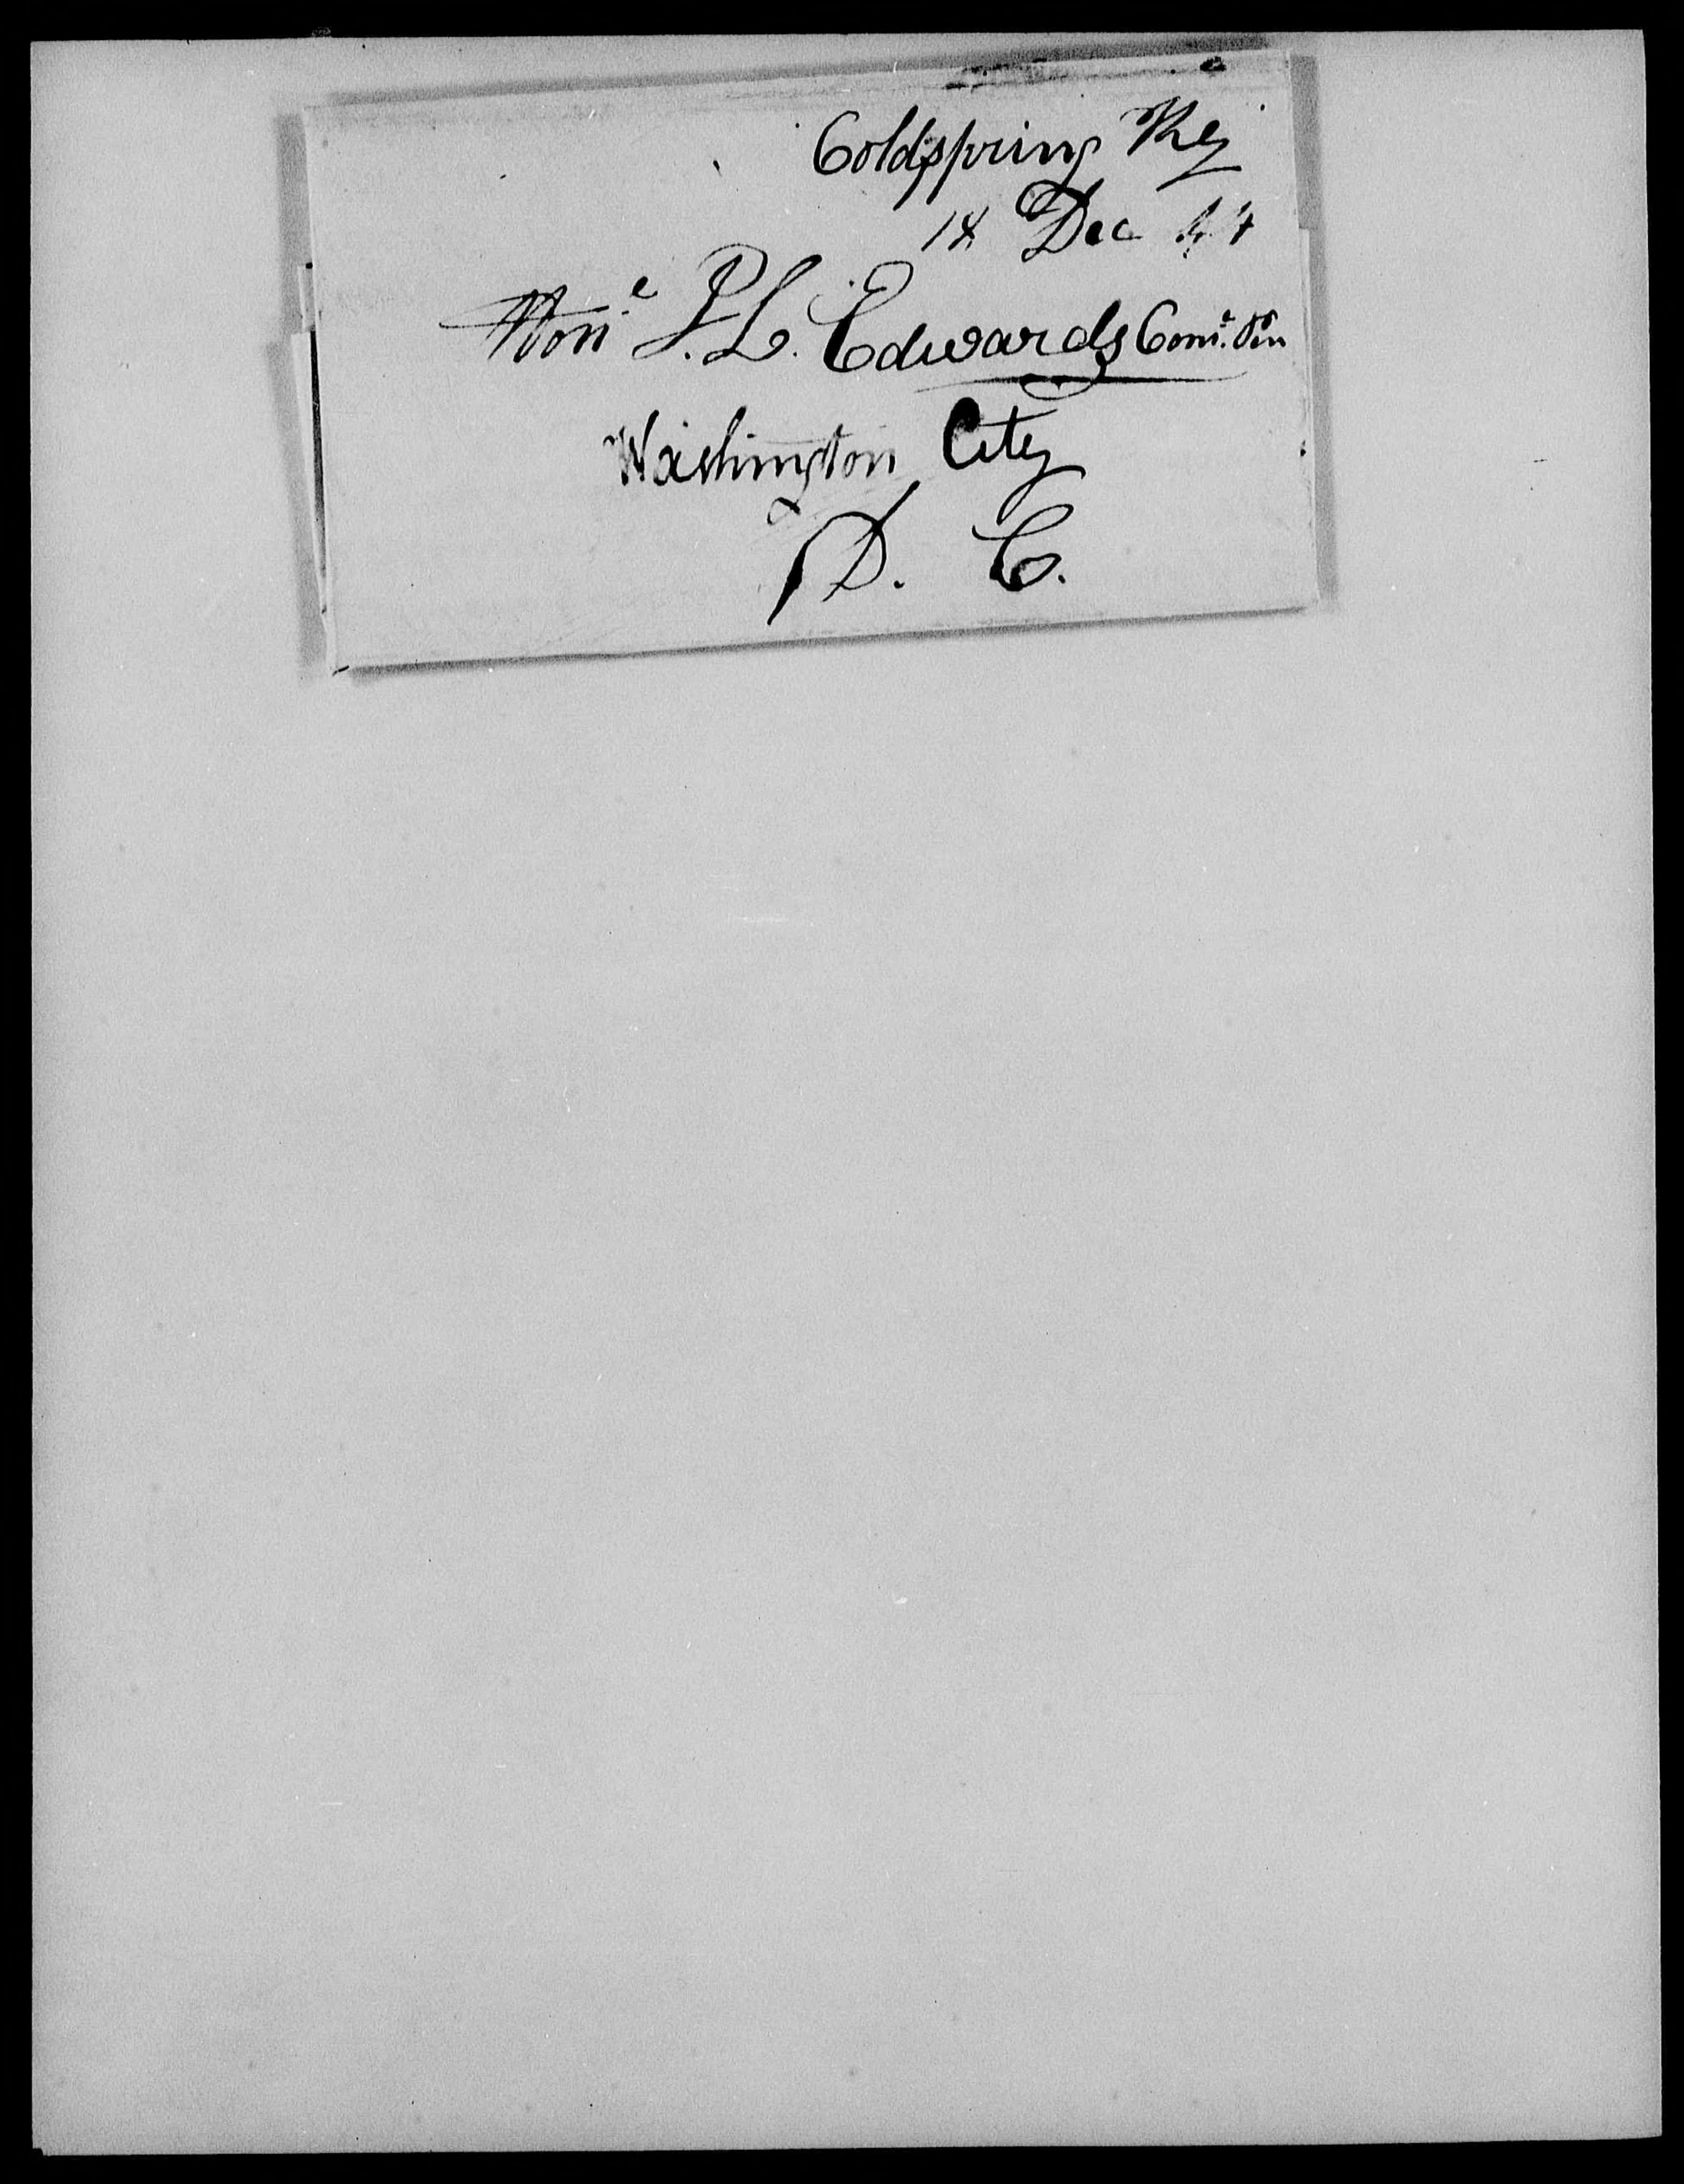Image 90        4160873_00090                
Fold3 File #23857256
[Address]  

Coldsprings, Ky   18 Dec 44
Hon J.  L. Edwards Com Pen
Washington City  DC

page: 32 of 71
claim: widow's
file: W. 8428, for James Mc Gill, Pennsylvania